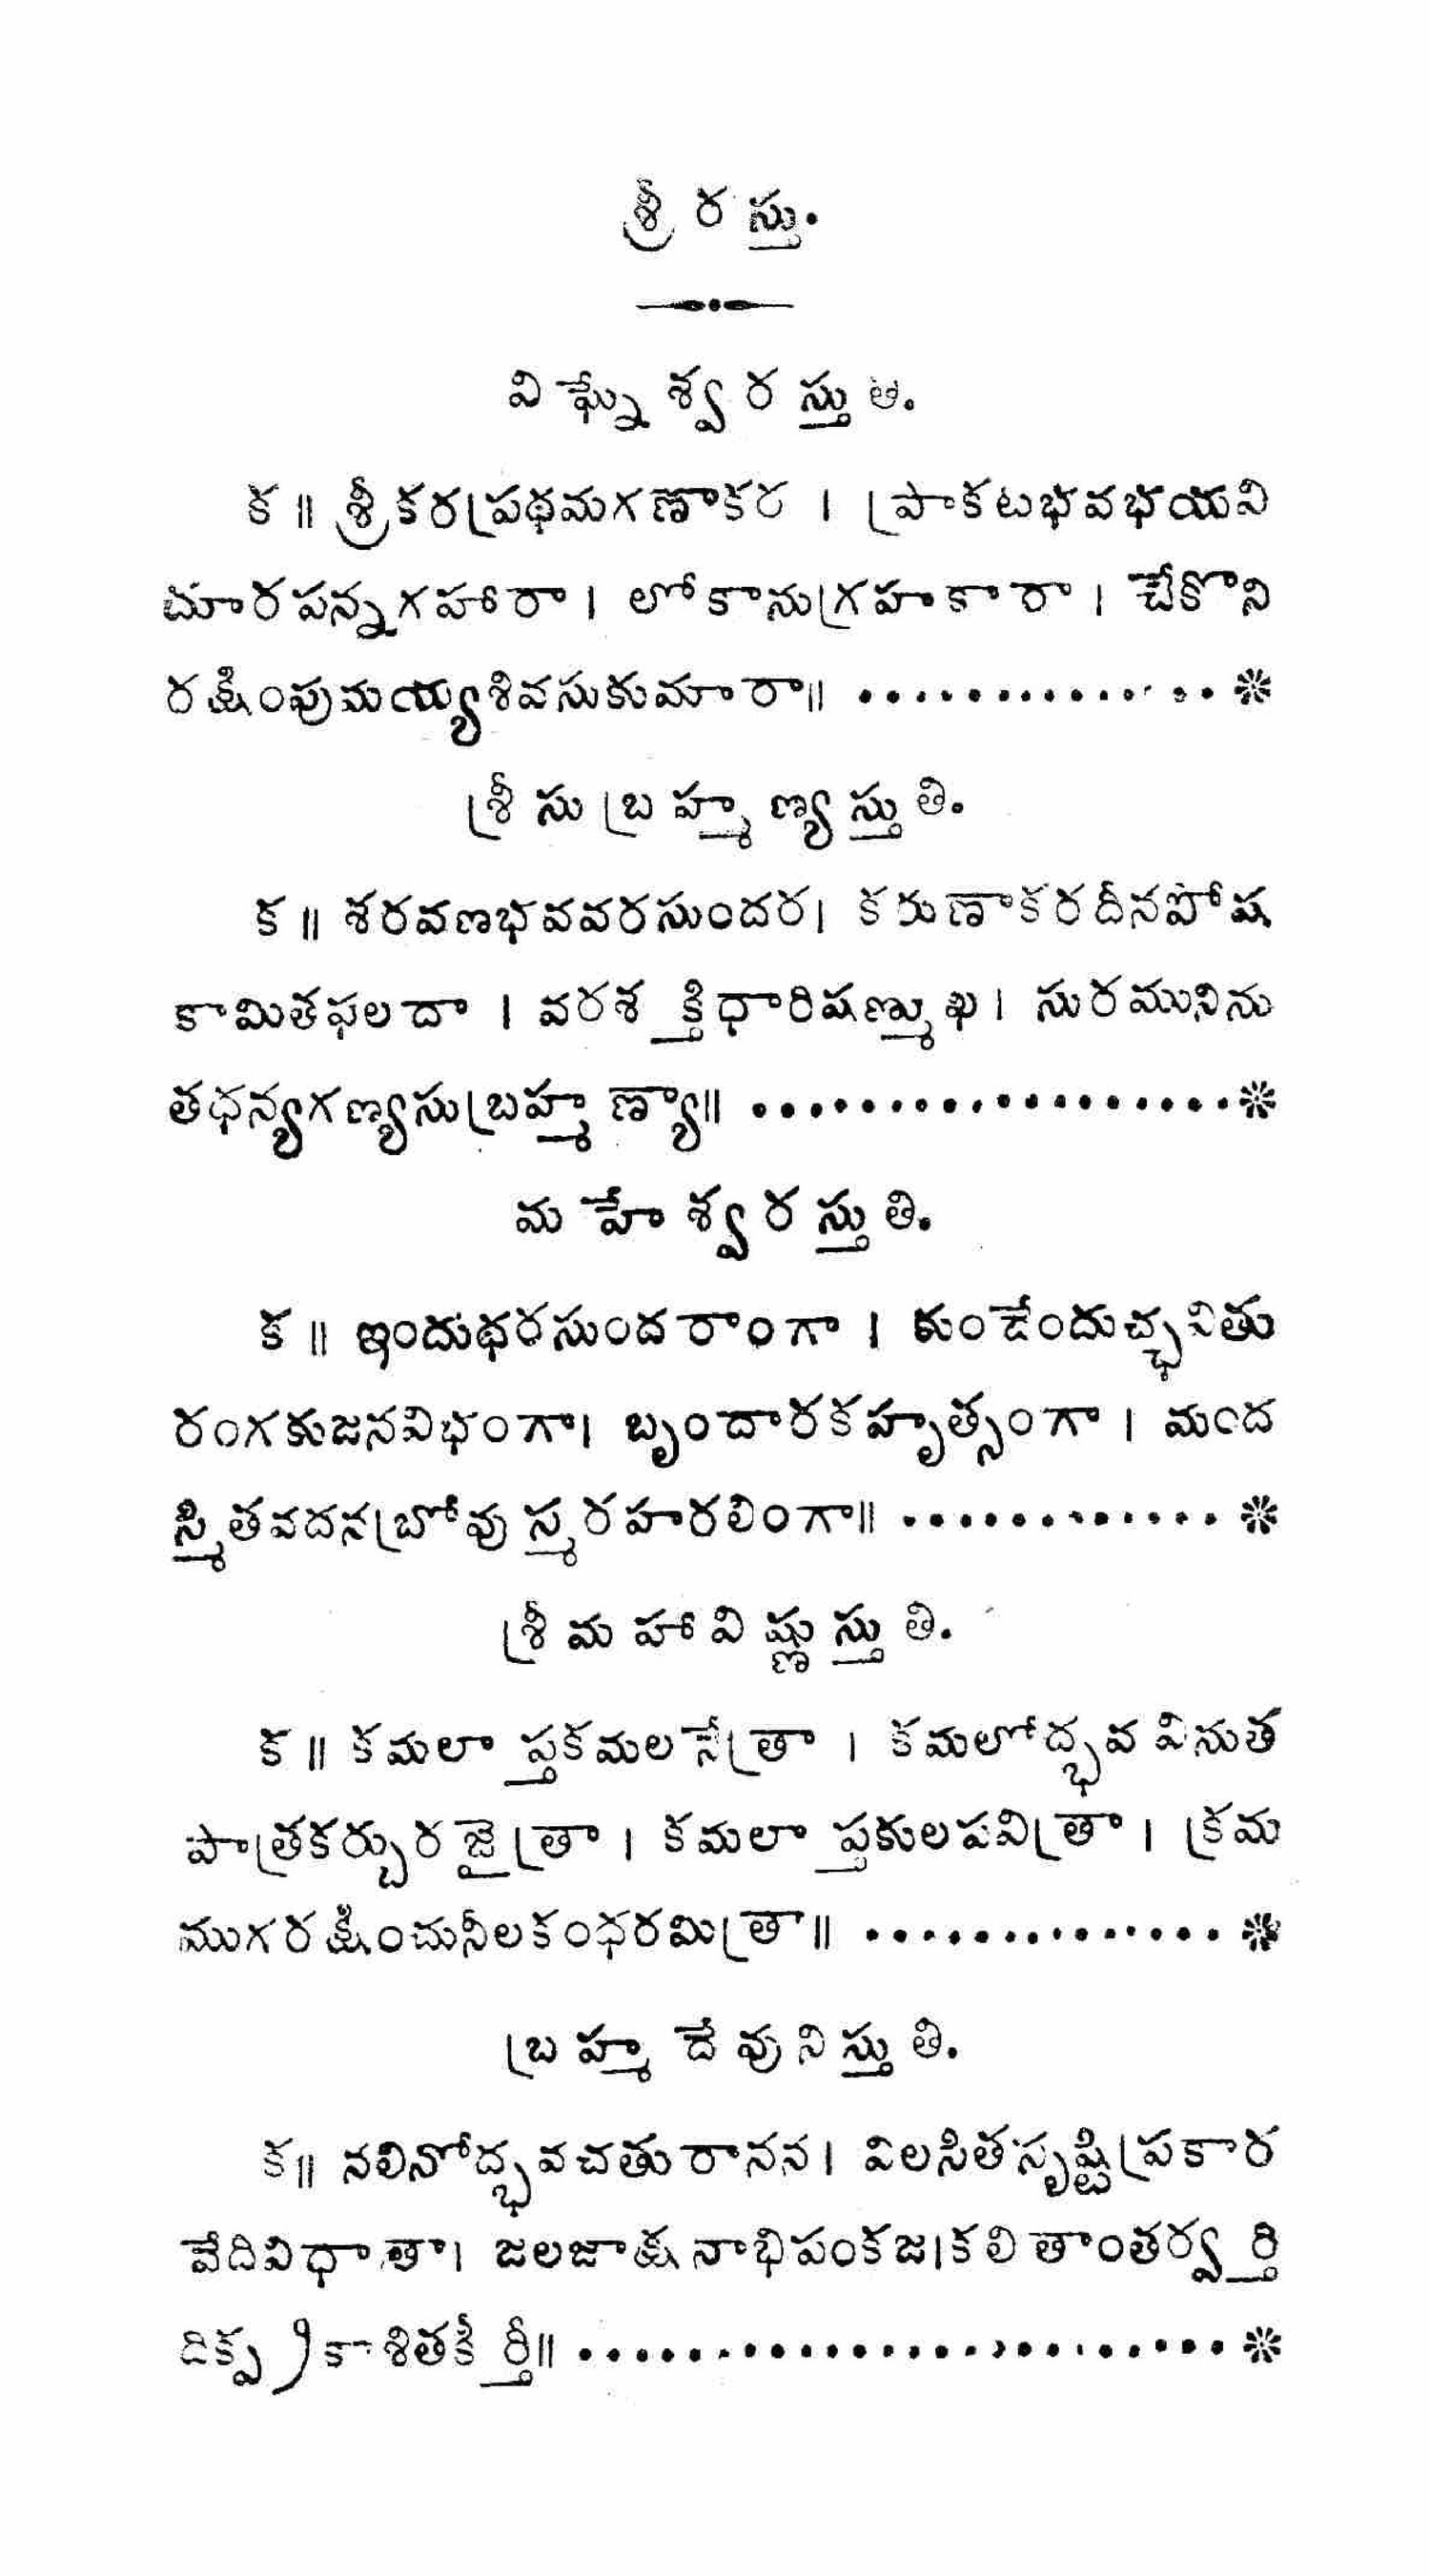క ॥ శ్రీకరప్రథమగణాకర | ప్రాకటభవభయవిదూరపన్నగహారా | లోకానుగ్రహకారా | చేకొని రక్షింపుమయ్యశివసుకుమారా ॥.............. *

 

క ॥ శరవణభవవరసుందర | కరుణాకర దీనపోష కామితఫలదా | వరశక్తిధారిషణ్ముఖ | సురమునినుతధన్యగణ్యసుబ్రహ్మణ్యా ॥..................*

క ॥ ఇందుధర సుందరాంగా | కుందేందుచ్ఛవితురంగకుజనవిభంగా | బృందారకహృత్సంగా | మందస్మితవదన బ్రోవుస్మరహరలింగా ॥............*

 

క ॥ కమలాప్త కమలనేత్రా | కమలోద్భవ వినుత పాత్రకర్చురజైత్రా | కమలాప్తకులపవిత్రా | క్రమముగ రక్షించునీలకంధరమిత్రా ॥.............. *

క ॥ నలినోద్బవచతురానన | విలసిత సృష్టిప్రకార వేదివిధాతా | జలజాక్ష నాభిపంకజ | కలి తాంతర్వర్తి దిక్ప్రకాశితకీర్తీ ॥..........